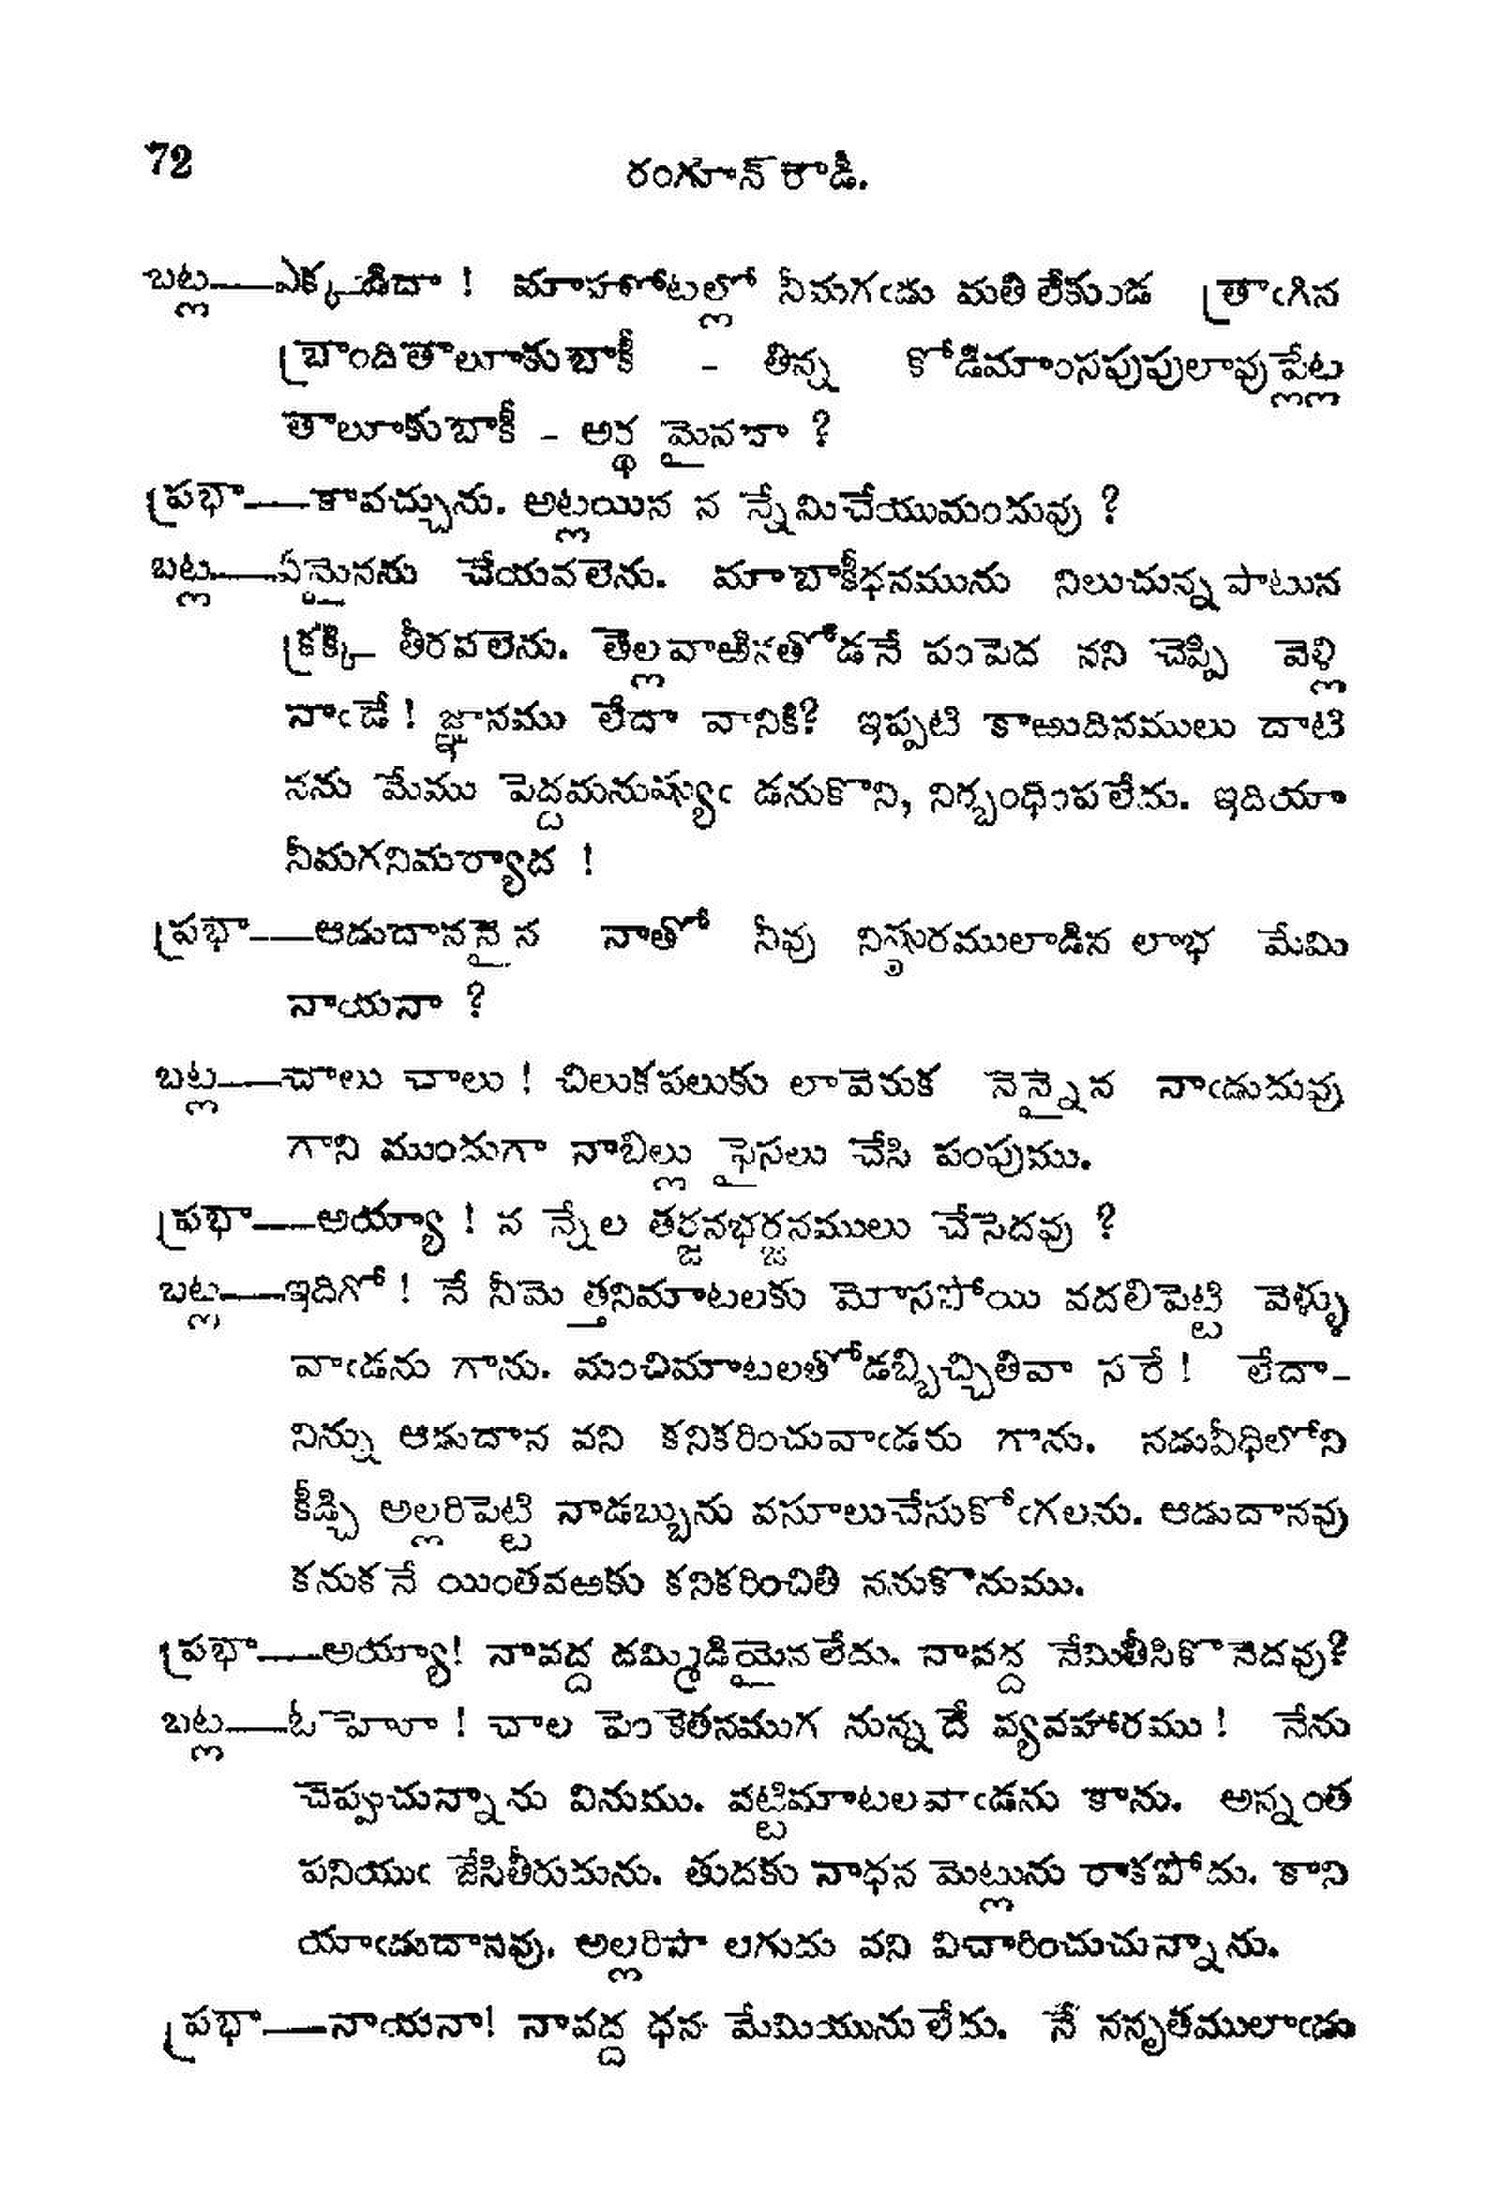బట్ల - ఎక్కడిదా ! మాహోటల్లో నీమగఁడు మతిలేకుండ త్రాఁగిన బ్రాందితాలూకుబాకీ - తిన్న కోడిమాంసపుపులావుప్లేట్ల తాలూకుబాకీ అర్థ మైనదా ?

ప్రభా - కావచ్చును. అట్లయిన న న్నేమిచేయుమందువు ?

బట్ల - ఏమైనను చేయవలెను. మాబాకీధనమును నిలుచున్నపాటున క్రక్కి తీరపలెను. తెల్లవాఱినతోడనే పంపెద నని చెప్పి వెళ్లినాఁడే! జ్ఞానము లేదా వానికి? ఇప్పటి కాఱుదినములు దాటినను మేము పెద్దమనుష్యుఁ డనుకొని, నిర్బంధింపలేదు. ఇదియా నీమగనిమర్యాద !

ప్రభా - ఆడుదాననైన నాతో నీవు నిష్ఠురములాడిన లాభ మేమి నాయనా?

బట్ల - చాలు చాలు ! చిలుకపలుకు లావెనుక నెన్నైన నాడుదువుగాని ముందుగా నాబిల్లు ఫైసలు చేసి పంపుము.

ప్రభా - అయ్యా ! న న్నేల తర్జనభర్జనములు చేసెదవు ?

బట్ల - ఇదిగో ! నే నీమెత్తనిమాటలకు మోసపోయి వదలిపెట్టి వెళ్ళువాఁడను గాను. మంచిమాటలతో డబ్బిచ్చితివా సరే! లేదా - నిన్ను ఆడుదాన వని కనికరించువాఁడను గాను. నడువీధిలోని కీడ్చి అల్లరిపెట్టి నాడబ్బును వసూలుచేసుకోఁగలను. ఆడుదానవు కనుక నే యింతవఱకు కనికరించితి ననుకొనుము.

ప్రభా --అయ్యా! నావద్ద దమ్మిడియైనలేదు. నావద్ద నేమితీసికొనెదవు?

బట్ల - ఓహెూ ! చాల పెంకెతనముగ నున్నదే వ్యవహారము! నేను చెప్పుచున్నాను వినుము. వట్టిమాటలవాఁడను కాను. అన్నంత పనియుఁ జేసితీరుదును. తుదకు నాధన మెట్లును రాకపోదు. కాని యాఁడుదానవు, అల్లరిపా లగుదు వని విచారించుచున్నాను.

ప్రభా — నాయనా! నావద్ద ధన మేమియునులేదు. నే ననృతములాఁడు